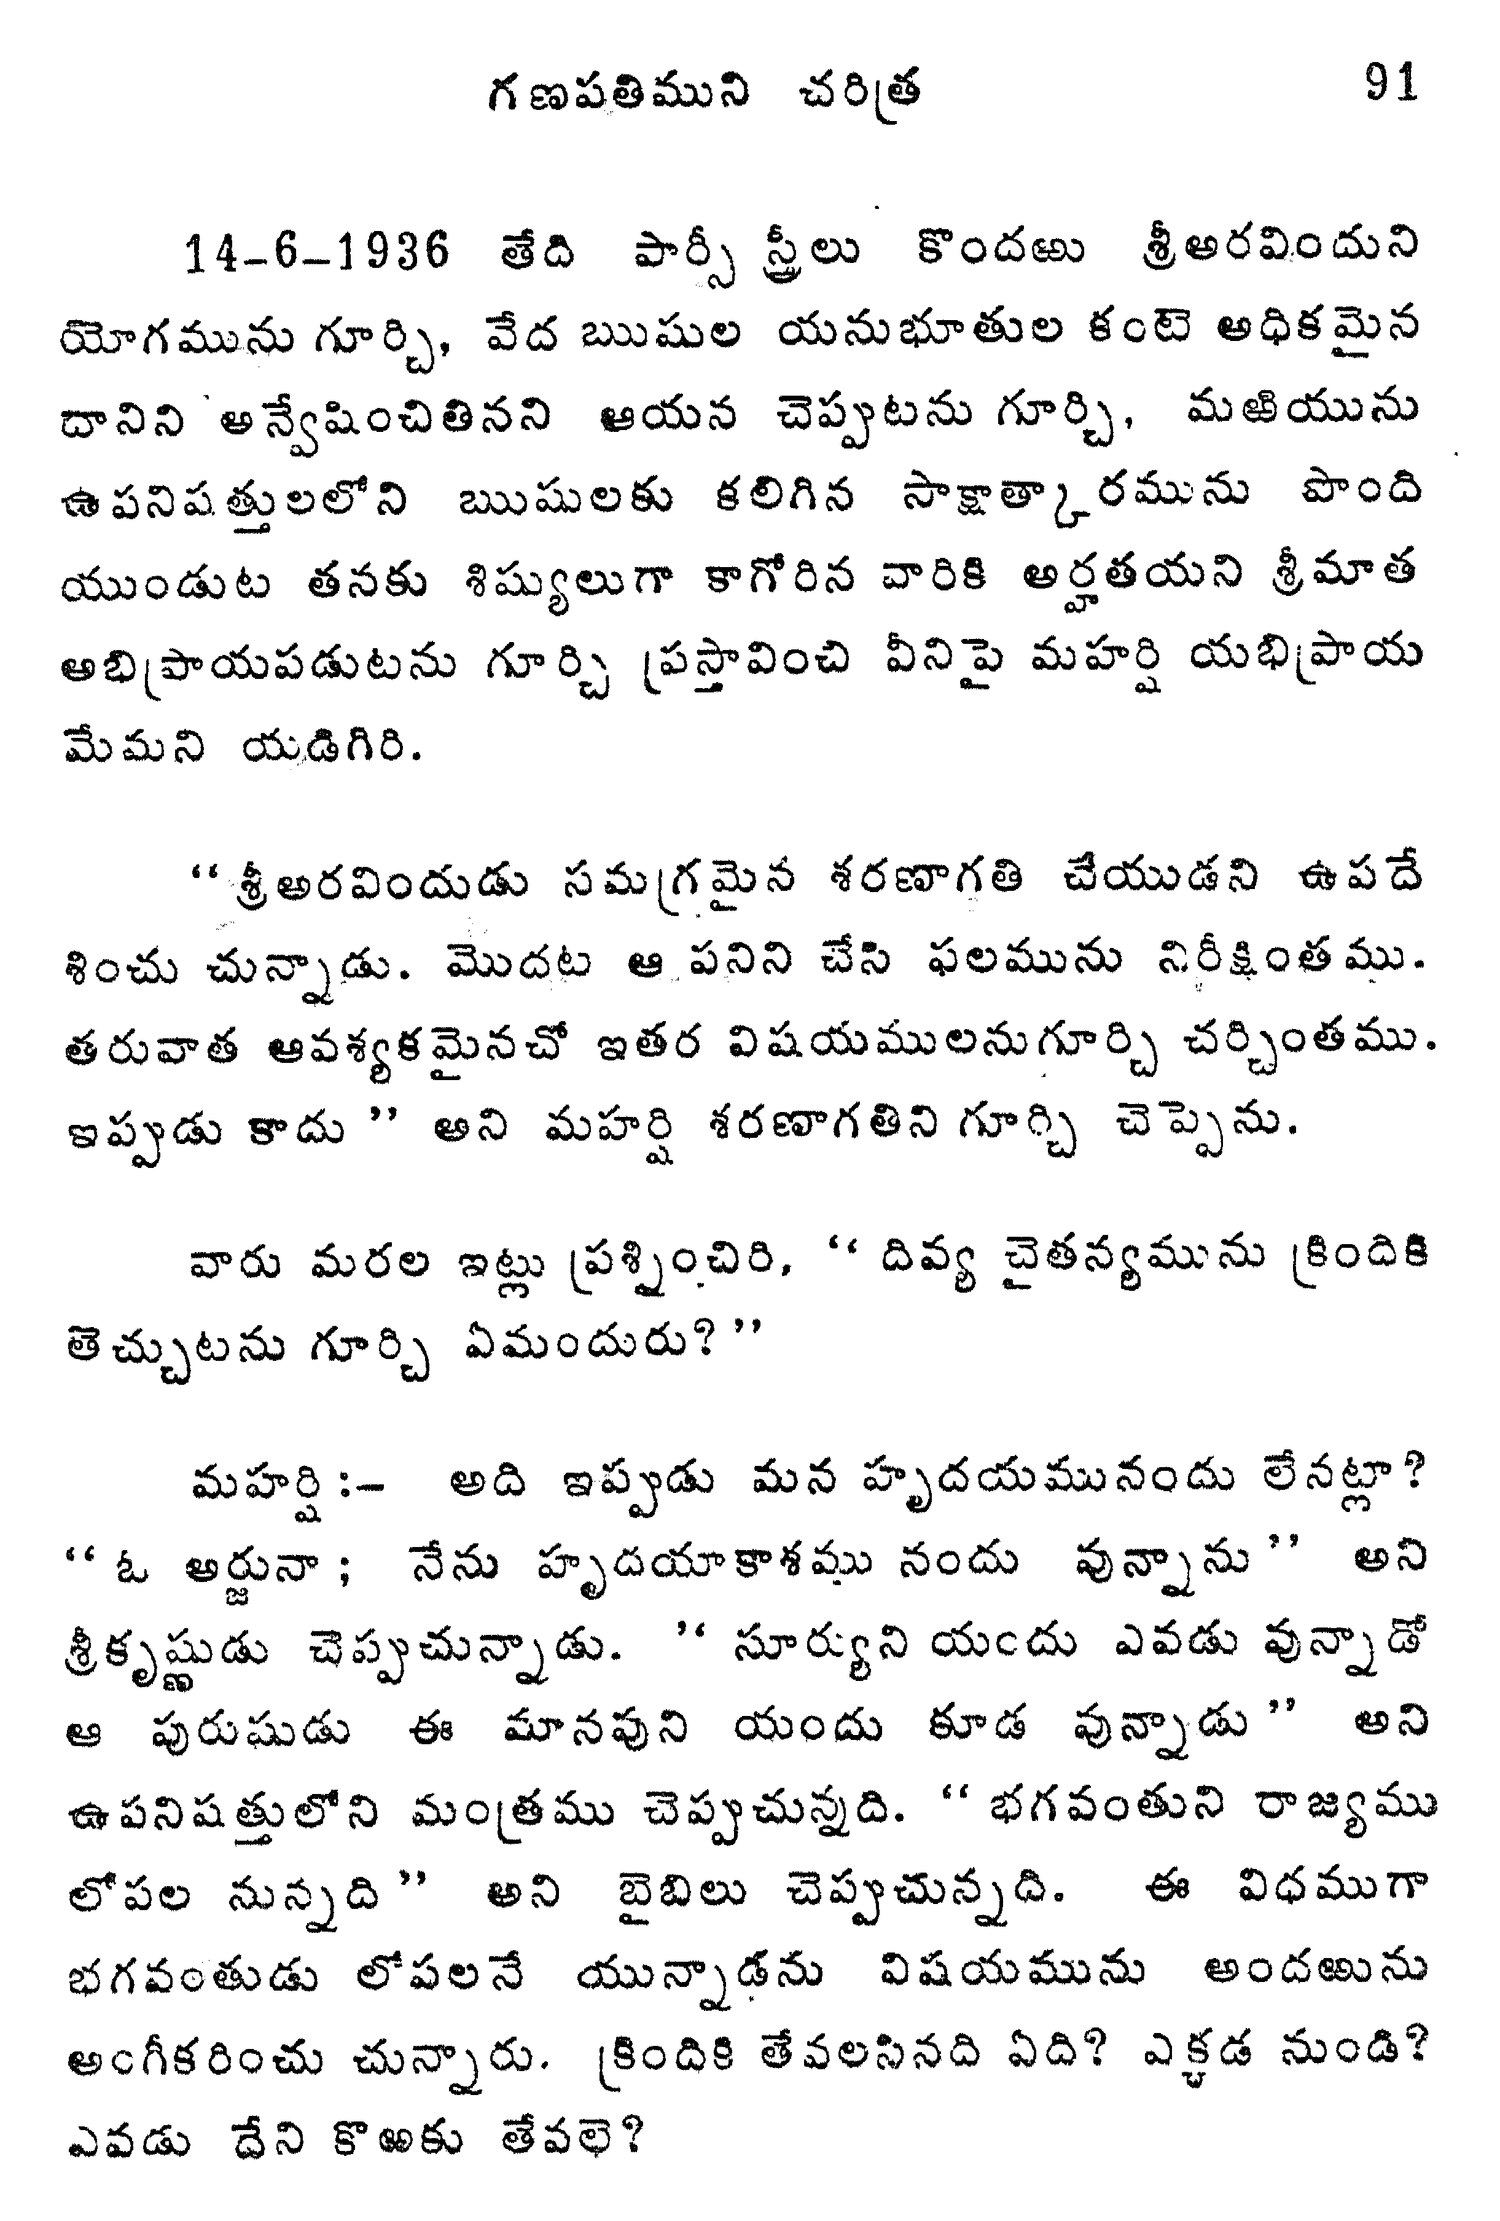14-6-1936 తేది పార్సీ స్త్రీలు కొందఱు శ్రీఅరవిందుని యోగమును గూర్చి, వేద ఋషుల యనుభూతుల కంటె అధికమైన దానిని అన్వేషించితినని ఆయన చెప్పుటను గూర్చి, మఱియును ఉపనిషత్తులలోని ఋషులకు కలిగిన సాక్షాత్కారమును పొంది యుండుట తనకు శిష్యులుగా కాగోరిన వారికి అర్హతయని శ్రీమాత అభిప్రాయపడుటను గూర్చి ప్రస్తావించి వీనిపై మహర్షి యభిప్రాయ మేమని యడిగిరి.

"శ్రీఅరవిందుడు సమగ్రమైన శరణాగతి చేయుడని ఉపదేశించు చున్నాడు. మొదట ఆ పనిని చేసి ఫలమును నిరీక్షింతము. తరువాత అవశ్యకమైనచో ఇతర విషయములను గూర్చి చర్చింతము. ఇప్పుడు కాదు" అని మహర్షి శరణాగతిని గూర్చి చెప్పెను.

వారు మరల ఇట్లు ప్రశ్నించిరి, "దివ్య చైతన్యమును క్రిందికి తెచ్చుటను గూర్చి ఏమందురు?"

మహర్షి:- అది ఇప్పుడు మన హృదయమునందు లేనట్లా? "ఓ అర్జునా; నేను హృదయాకాశము నందు వున్నాను" అని శ్రీకృష్ణుడు చెప్పుచున్నాడు. "సూర్యుని యందు ఎవడు వున్నాడో ఆ పురుషుడు ఈ మానవుని యందు కూడ వున్నాడు" అని ఉపనిషత్తులోని మంత్రము చెప్పుచున్నది. "భగవంతుని రాజ్యము లోపల నున్నది" అని బైబిలు చెప్పుచున్నది. ఈ విధముగా భగవంతుడు లోపలనే యున్నాడను విషయమును అందఱును అంగీకరించు చున్నారు. క్రిందికి తేవలసినది ఏది? ఎక్కడ నుండి? ఎవడు దేని కొఱకు తేవలె?